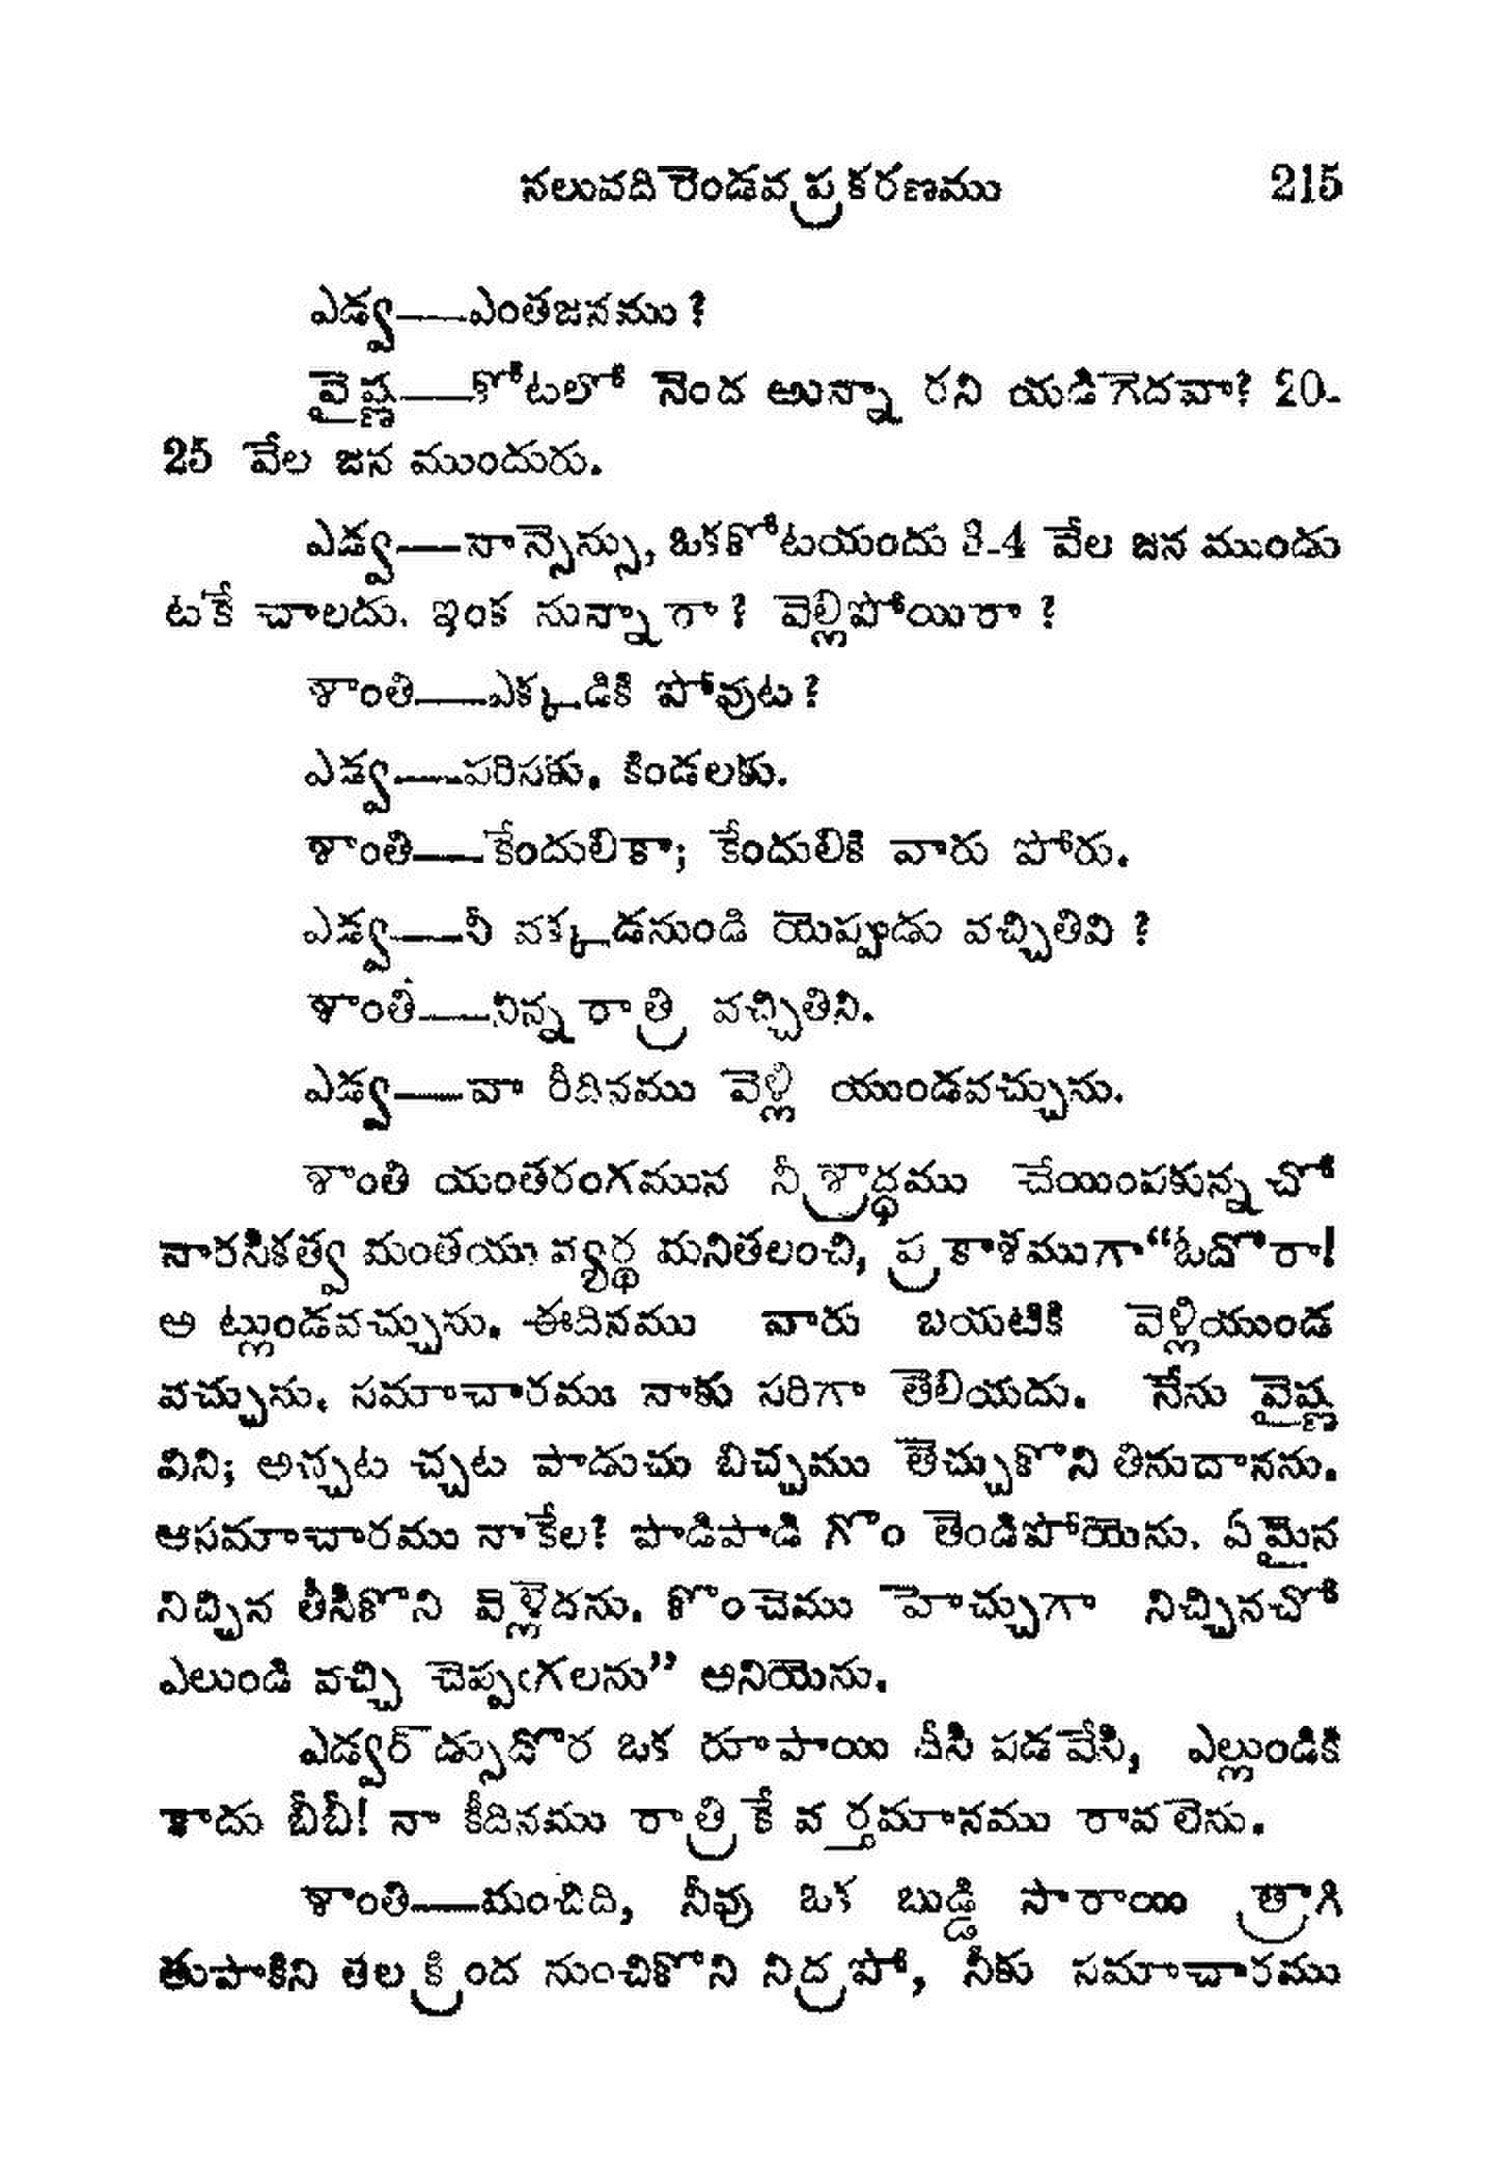ఎడ్వ——ఎంతజనము?

వైష్ణ——కోటలో నెంద ఱున్నా రని యడిగెదవా? 20-25 వేల జన ముందురు.

ఎడ్వ——నాన్సెన్సు, ఒకకోటయందు 3-4 వేల జన ముండుటకే చాలదు. ఇంక నున్నారా? వెల్లిపోయిరా ?

శాంతి——ఎక్కడికి పోవుట?

ఎవ్వ——పరిసకు, కిండలకు.

శాంతి——కేందులికా, కేందులికి వారు పోరు.

ఎవ్వ——నీ వక్కడనుండి యెప్పుడు వచ్చితివి ?

శాంతి——నిన్న రాత్రి వచ్చితిని.

ఎడ్వ——వా రీదినము వెళ్లి యుండవచ్చును.

శాంతి యంతరంగమున నీ శ్రాద్ధము చేయింపకున్నచో నారసికత్వ మంతయు వ్యర్థ మనితలంచి, ప్రకాశముగా “ఓదొరా!
అట్లుండవచ్చును, ఈదినము వారు బయటికి వెళ్లియుండ వచ్చును. సమాచారము నాకు సరిగా తెలియదు. నేను వైష్ణ
విని; అచ్చట చ్చట పాడుచు బిచ్చము తెచ్చుకొని తినుదానను. ఆసమాచారము నాకేల? పాడిపాడి గొం తెండిపోయెను, ఏమైన నిచ్చిన తీసికొని వెళ్లెదను. కొంచెము హెచ్చుగా నిచ్చినచో ఎలుండి వచ్చి చెప్పఁగలను” అనియెను.

ఎడ్వర్ డ్సుదొర ఒక రూపాయి దీసి పడవేసి, ఎల్లుండికి కాదు బీబీ! నా కీదినము రాత్రికే వర్తమానము రావలెను.

శాంతి——మంచిది, నీవు ఒక బుడ్డి సారాయి త్రాగి తుపాకిని తల క్రింద నుంచికొని నిద్రపో, నీకు సమాచారము